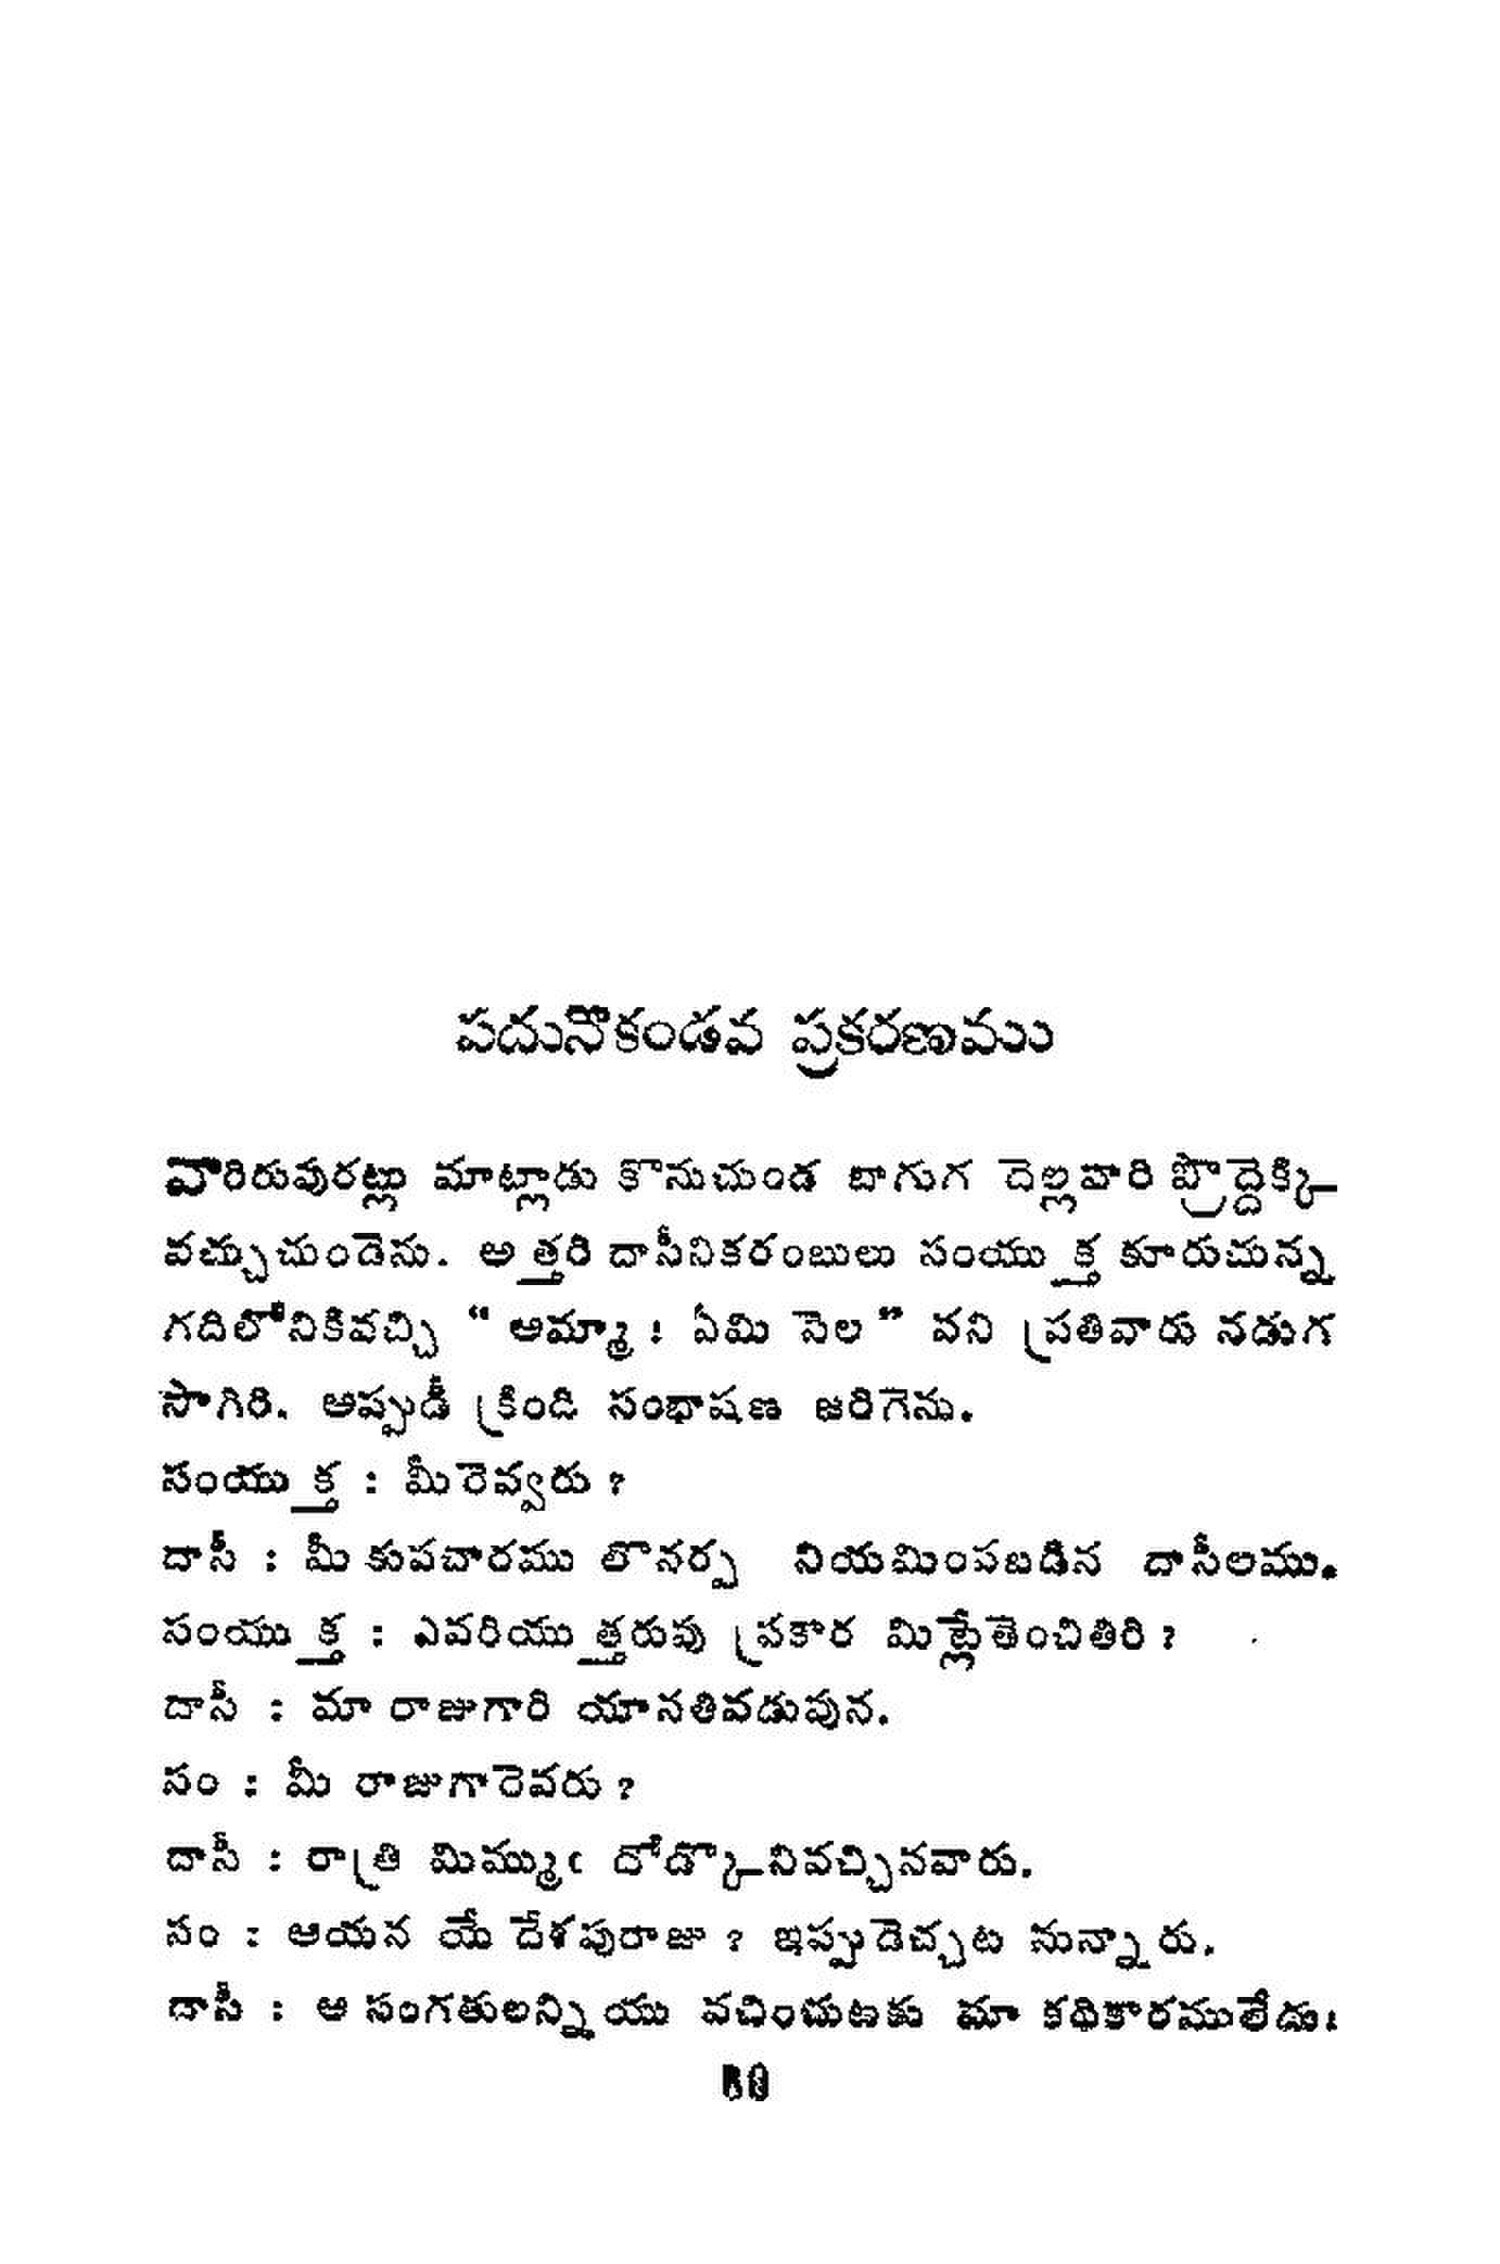పదునొకండవ ప్రకరణము

వారిరువురట్లు మాట్లాడు కొనుచుండ బాగుగ దెల్లవారి ప్రొద్దెక్కి వచ్చుచుండెను. అత్తరి దాసీనికరంబులు సంయుక్త కూరుచున్న గదిలోనికివచ్చి "అమ్మా : ఏమి సెల" వని ప్రతివారు నడుగసాగిరి. అప్పుడీ క్రింది సంభాషణ జరిగెను. 

సంయుక్త : మీరెవ్వరు? 

దాసీ : మీ కుపచారము లొనర్ప నియమింపబడిన దాసీలము.

సంయుక్త : ఎవరియుత్తరువు ప్రకార మిట్లేతెంచితిరి? . 

దాసీ : మా రాజుగారి యానతివడువున.

సం: మీ రాజుగారెవరు? 

దాసీ : రాత్రి మిమ్ముఁ దోడ్కొని వచ్చినవారు.

సం : ఆయన యే దేశపురాజు? ఇప్పుడెచ్చట నున్నారు. 

దాసీ : ఆ సంగతులన్నియు వచించుటకు మా కధికారములేదు :